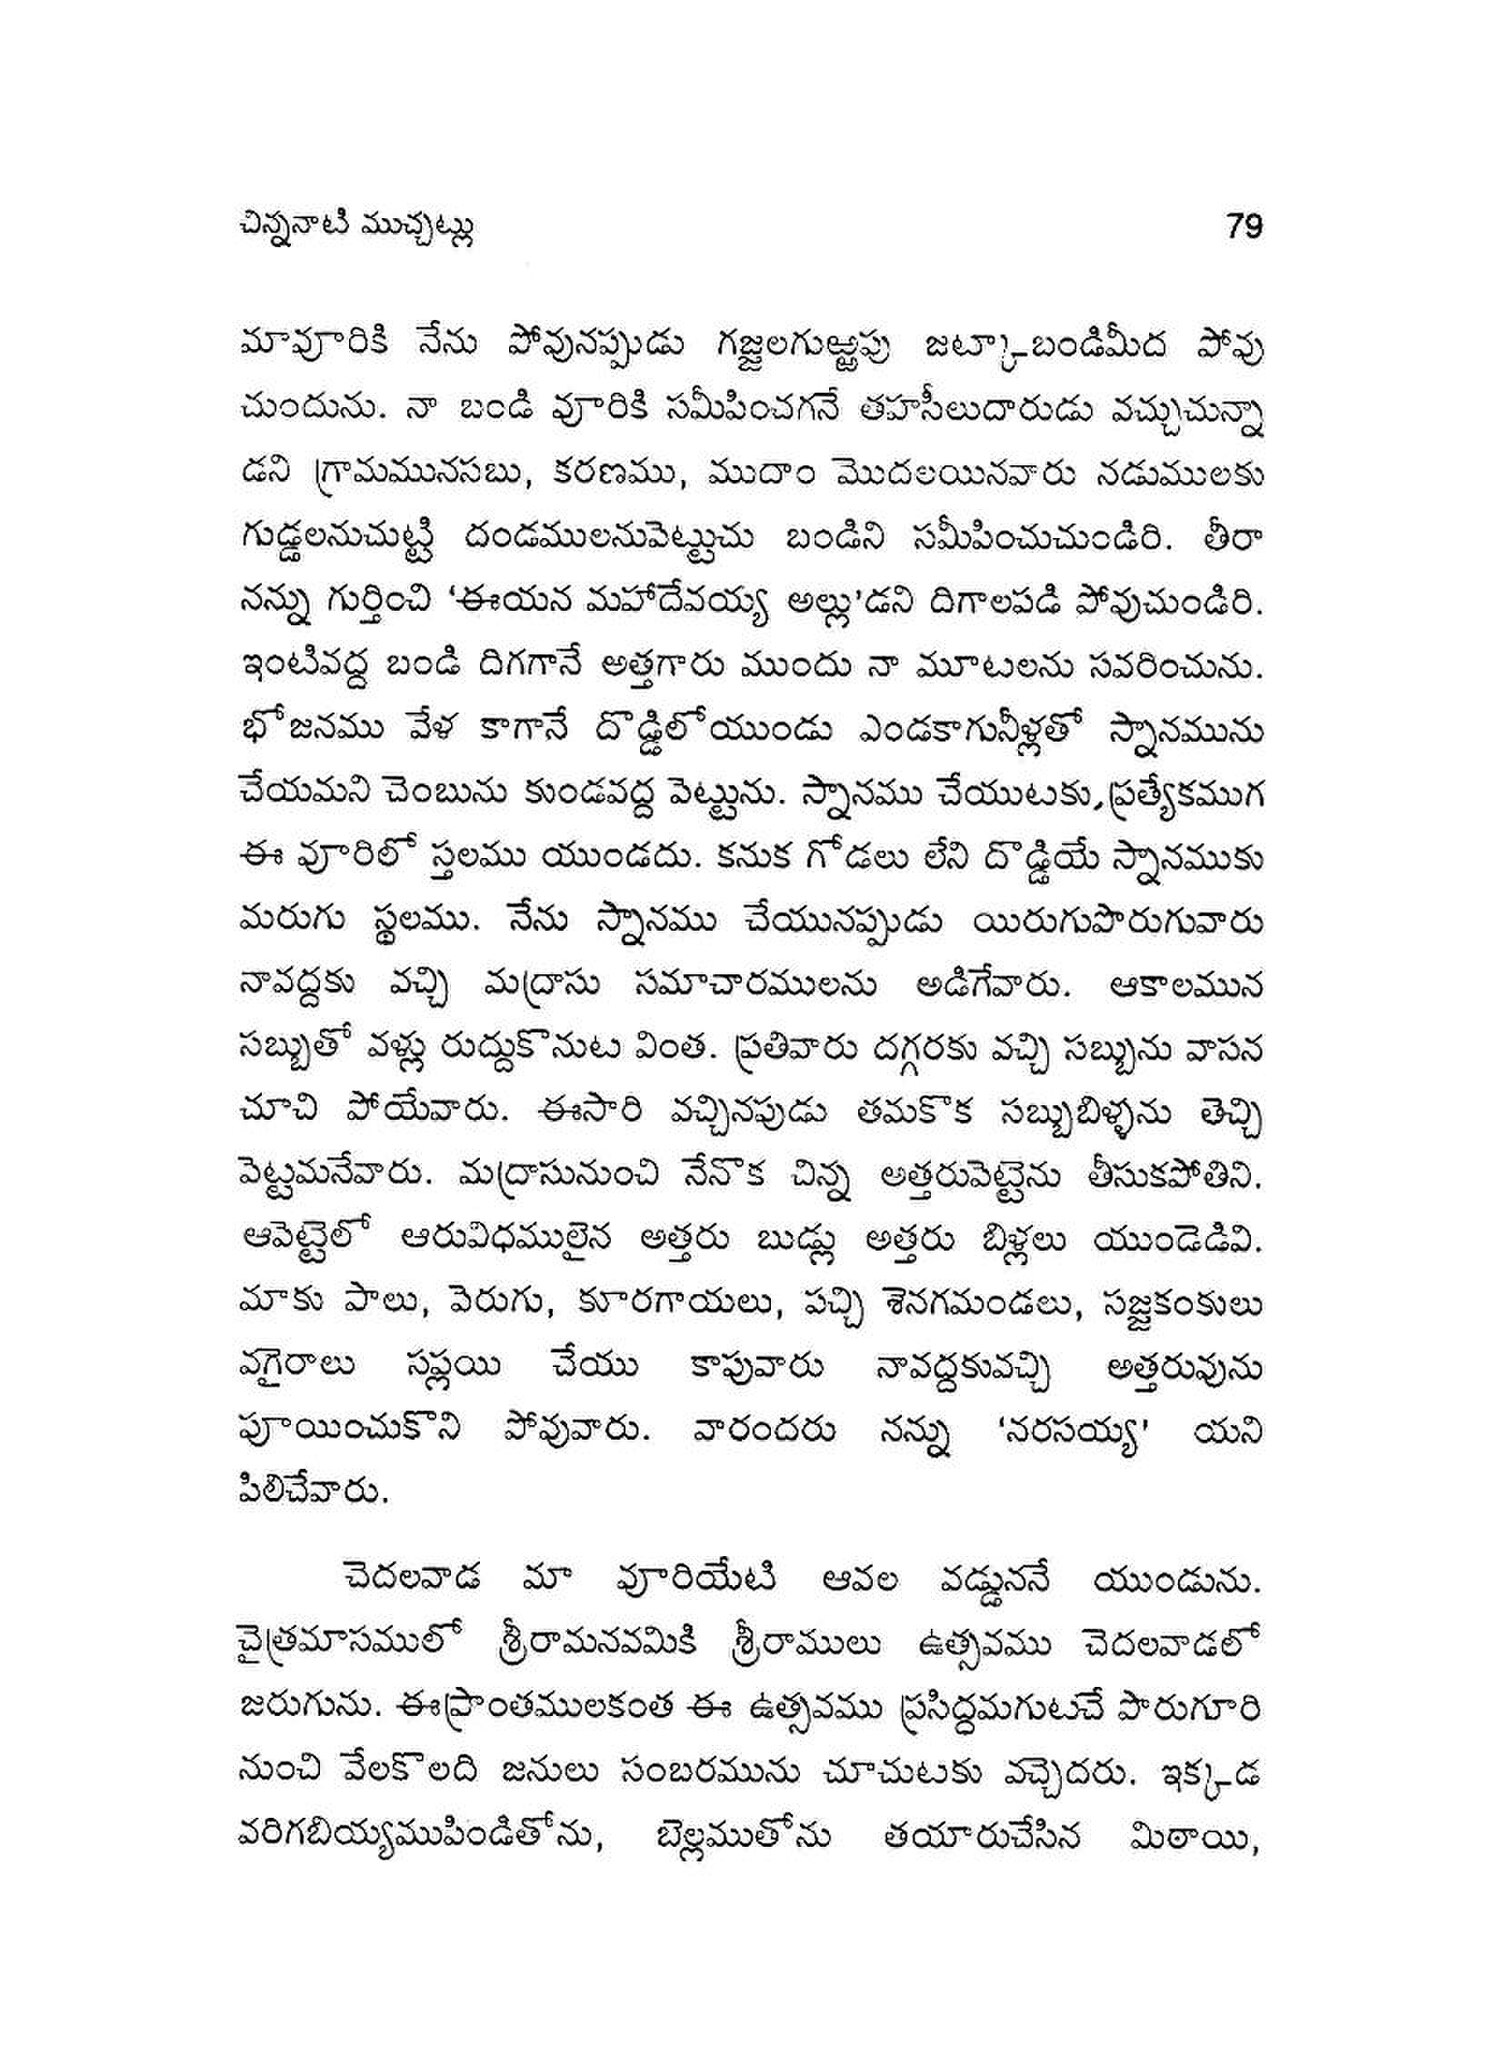మావూరికి నేను పోవునప్పుడు గజ్జలగుఱ్ఱపు జట్కాబండిమీద పోవు చుందును. నా బండి వూరికి సమీపించగనే తహసీలుదారుడు వచ్చుచున్నాడని గ్రామమునసబు, కరణము, ముదాం మొదలయినవారు నడుములకు గుడ్డలనుచుట్టి దండములనుపెట్టుచు బండిని సమీపించుచుండిరి. తీరా నన్ను గుర్తించి 'ఈయన మహాదేవయ్య అల్లు' డని దిగాలపడి పోవుచుండిరి. ఇంటివద్ద బండి దిగగానే అత్తగారు ముందు నా మూటలను సవరించును. భోజనము వేళ కాగానే దొడ్డిలో యుండు ఎండకాగునీళ్లతో స్నానమును చేయమని చెంబును కుండవద్ద పెట్టును. స్నానము చేయుటకు,ప్రత్యేకముగ ఈ వూరిలో స్తలము యుండదు. కనుక గోడలు లేని దొడ్డియే స్నానముకు మరుగు స్థలము. నేను స్నానము చేయునప్పుడు యిరుగుపొరుగువారు నావద్దకు వచ్చి మద్రాసు సమాచారములను అడిగేవారు. ఆకాలమున సబ్బుతో వళ్లు రుద్దుకొనుట వింత. ప్రతివారు దగ్గరకు వచ్చి సబ్బును వాసన చూచి పోయేవారు. ఈసారి వచ్చినపుడు తమకొక సబ్బుబిళ్ళను తెచ్చి పెట్టమనేవారు. మద్రాసునుంచి నేనొక చిన్న అత్తరుపెట్టెను తీసుకపోతిని. ఆపెట్టెలో ఆరువిధములైన అత్తరు బుడ్లు అత్తరు బిళ్లలు యుండెడివి. మాకు పాలు, పెరుగు, కూరగాయలు, పచ్చి శెనగమండలు, సజ్జకంకులు వగైరాలు సప్లయి చేయు కాపువారు నావద్దకువచ్చి అత్తరువును పూయించుకొని పోవువారు. వారందరు నన్ను 'నరసయ్య' యని పిలిచేవారు.

చెదలవాడ మా వూరియేటి ఆవల వడ్డుననే యుండును. చైత్రమాసములో శ్రీరామనవమికి శ్రీరాములు ఉత్సవము చెదలవాడలో జరుగును. ఈప్రాంతములకంత ఈ ఉత్సవము ప్రసిద్దమగుటచే పొరుగూరి నుంచి వేలకొలది జనులు సంబరమును చూచుటకు వచ్చెదరు. ఇక్కడ వరిగబియ్యముపిండితోను, బెల్లముతోను తయారుచేసిన మిఠాయి,